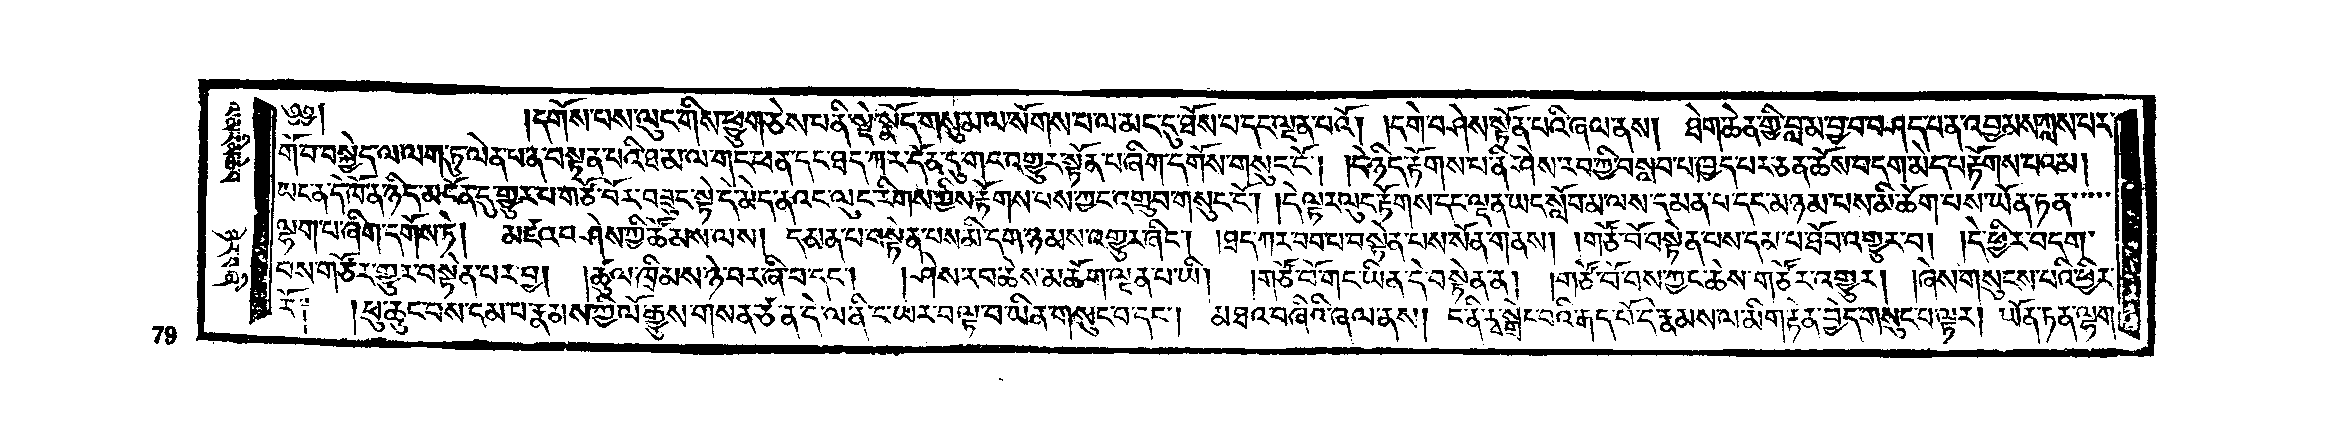༄༅། །དགོས་པས་ལུང་གིས་ཕྱུག་ཅེས་པ་ནི་སྡེ་སྣོད་གསུམ་ལ་སོགས་པ་ལ་མང་དུ་ཐོས་པ་དང་ལྡན་པའོ། །དགེ་བཤེས་སྟོན་པའི་ཞལ་ནས། ཐེག་ཆེན་གྱི་བླ་མ་བྱ་བ་བཤད་པ་ན་འབྱམས་ཀླས་པར་
གོ་བ་བསྐྱེད་ལ་ལག་ཏུ་ལེན་པ་ན་བསྟན་པའི་ཐ་མ་ལ་གང་ཕན་དང་ཐད་ཀར་དོན་དུ་གང་འགྱུར་སྟོན་པ་ཞིག་དགོས་གསུང་ངོ། །དེ་ཉིད་རྟོགས་པ་ནི་ཤེས་རབ་ཀྱི་བསླབ་པ་ཁྱད་པར་ཅན་ཆོས་བདག་མེད་པ་རྟོགས་པའམ།
ཡང་ན་དེ་ཁོ་ན་ཉིད་མངོན་དུ་གྱུར་པ་གཙོ་བོར་བཟུང་སྟེ་དེ་མེད་ནའང་ལུང་རིགས་ཀྱིས་རྟོགས་པས་ཀྱང་འགྲུབ་གསུང་ངོ། །དེ་ལྟར་ལུང་རྟོགས་དང་ལྡན་ཡང་སློབ་མ་ལས་དམན་པ་དང་མཉམ་པས་མི་ཆོག་པས་ཡོན་ཏན་
ལྷག་པ་ཞིག་དགོས་ཏེ། མཛའ་བཤེས་ཀྱི་ཚོམས་ལས། དམན་པ་བསྟེན་པས་མི་དག་ཉམས་འགྱུར་ཞིང་། །ཐད་ཀར་བབ་པ་བསྟེན་པས་སོ་ན་གནས། །གཙོ་བོ་བསྟེན་པས་དམ་པ་ཐོབ་འགྱུར་བ། །དེ་ཕྱིར་བདག་
པས་གཙོར་གྱུར་བསྟེན་པར་བྱ། །ཚུལ་ཁྲིམས་ཉེ་བར་ཞི་བ་དང་། །ཤེས་རབ་ཆེས་མཆོག་ལྡན་པ་ཡི། །གཙོ་བོ་གང་ཡིན་དེ་བསྟེན་ན། །གཙོ་བོ་བས་ཀྱང་ཆེས་གཙོར་འགྱུར། །ཞེས་གསུངས་པའི་ཕྱིར་
རོ༑ ༑ཕུ་ཆུང་བས་དམ་པ་རྣམས་ཀྱི་ལོ་རྒྱུས་གསན་ཙ་ན་དེ་ལ་ནི་ང་ཡར་བལྟ་བ་ཡིན་གསུང་བ་དང་། མཐའ་བཞིའི་ཞལ་ནས། ང་ནི་རྭ་སྒྲེང་བའི་རྒད་པོ་དེ་རྣམས་ལ་མིག་རྟེན་བྱེད་གསུང་བ་ལྟར། ཡོན་ཏན་ལྷག་